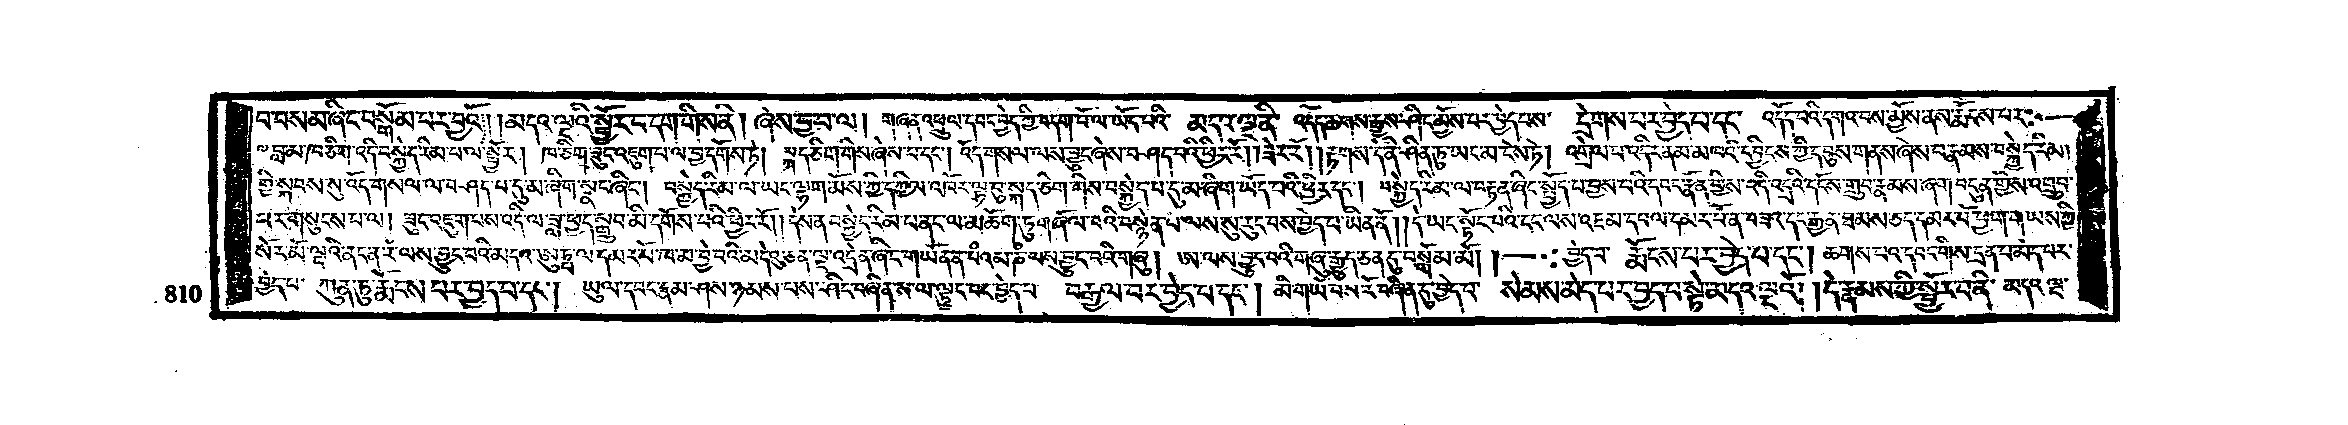བ་བསམ་ཞིང་བསྒོམ་པར་བྱའོ། །མདའ་ལའི་སྦྱོར་བ་དག་གིས་ནི། །ཞེས་བྱ་བ་ལ། གཞན་འཕྲུལ་དབང་བྱེད་ཀྱི་བདག་པོ་ལ་ཡོད་པའི་མདའ་ལྔ་ནི་འདོད་ཆགས་རྒྱས་ཤིང་མྱོས་པར་བྱེད་པས་དྲེགས་པར་བྱེད་པ་དང་འདོད་པའི་དགའ་བས་མྱོས་ནས་རྨོངས་པརཿ
༧བླ་མ་གཅིག་འདི་བསྐྱེད་རིམ་པ་ལ་སྦྱོར། ཁ་ཅིག་ཟུང་འཇུག་པ་ལ་བྱ་དགོས་ཏེ། སྐད་ཅིག་གིས་ཞེས་པ་དང་། འོད་གསལ་ལས་བྱུང་ཞེས་བཤད་པའི་ཕྱིར་རོ། །ཟེར་ར། །རྟགས་དེ་ནི་ཤིན་ཏུ་ཡང་མ་ངེས་ཏེ། འགྲེལ་པ་འདིར་ནམ་མཁའི་དབྱིངས་ཀྱི་དབུས་གནས་ཞེས་པ་རྣམས་བསྐྱེད་རིམ་
གྱི་སྐབས་སུ་འོད་གསལ་ལ་བཤད་པ་དུ་མ་ཞིག་སྣང་ཞིང་། བསྐྱེད་རིམ་ལ་ཡང་ལྷག་མོས་ཀྱི་དཀྱིལ་འཁོར་ལྟ་བུ་སྐད་ཅིག་གིས་བསྐྱེད་པ་དུ་མ་ཞིག་ཡོད་པའི་ཕྱིར་དང་། བསྐྱེད་རིམ་ལ་བརྟན་ཞིང་སྤྱོད་པ་བྱས་པའི་དབང་རྣོན་གྱིས་འདི་འདྲའི་དངོས་གྲུབ་རྣམས་ཞག་བདུན་གྱིས་འགྲུབ་
པར་གསུངས་པ་ལ། ཟུང་འཇུག་པས་འདི་ལ་ཟླ་ཕྱེད་སྒྲུབ་མི་དགོས་པའི་ཕྱིར་རོ། །དེས་ན་བསྐྱེད་རིམ་པ་ནང་ལ་མཆོག་ཏུ་གཞོལ་བའི་བསྙེན་པ་ལས་སུ་རུང་བས་བྱེད་པ་ཡིན་ནོ། །དེ་ཡང་སྟོང་པའི་ངང་ལས་འཇམ་དཔལ་དམར་པོ་ན་བཟའ་དང་རྒྱན་ཐམས་ཅད་དམར་པོ་ཕྱག་གཡས་ཀྱི་
སོར་མོ་ལྔའི་ནང་ན་རཾ་ལས་བྱུང་བའི་མདའ་ཨུཏྤལ་དམར་པོ་ཁ་མ་བྱེད་པའི་མདེའུ་ཅན་ལྔ་འདྲེན་ཞིང་གཡོན་ན་པཾ་འམ་ཎཾ་ལས་བྱུང་བའི་གཞུ། ཨ་ལས་བྱུང་བའི་གཞུ་རྒྱུད་ཅན་དུ་བསྒོམ་མོ། །.H བྱེད་པ་རྨོངས་པར་བྱེད་པ་དང་། ཆགས་པའི་དབང་གིས་དྲན་པ་མེད་པར་
བྱེད་པ་ཀུན་ཏུ་རྨོངས་པར་བྱེད་པ་དང་། ཡུལ་དབང་རྣམ་ཤེས་ཉམས་པས་ཤིང་བཞིན་ས་ལ་ལྟུང་བར་བྱེད་པ་བརྒྱལ་བར་བྱེད་པ་དང་། མི་གཡོ་བས་རོ་བཞིན་དུ་བྱད་པ་སེམས་མེད་པར་བྱད་པར་བྱེད་པ་སྟེ་མདའ་ལྔའོ། །དེ་རྣམས་ཀྱི་སྦྱོར་བ་ནི་མདའ་ལྔ་